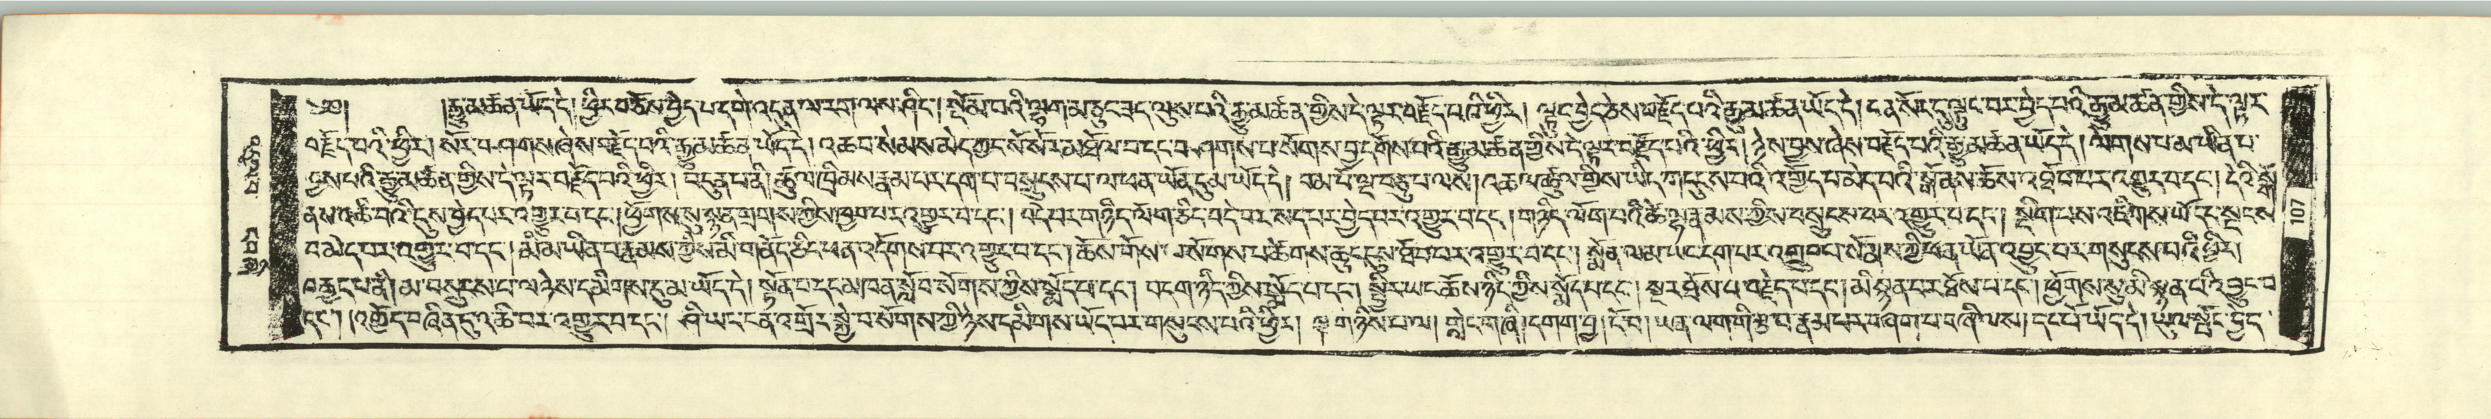༄༅། །རྒྱུ་མཚན་ཡོད་དེ། ཕྱིར་བཅོས་བྱེད་པ་དགེ་འདུན་ལ་རག་ལས་ཤིང་།སྡོམ་པའི་ལྷག་མ་ཅུང་ཟད་ལུས་པའི་རྒྱུ་མཚན་གྱིས་དེ་ལྟར་བརྗོད་པའི་ཕྱིར། ལྟུང་བྱེད་ཅེས་བརྗོད་པའི་རྒྱུ་མཚན་ཡོད་དེ། ངན་སོང་དུ་ལྟུང་བར་བྱེད་པའི་རྒྱུ་མཚན་གྱིས་དེ་ལྟར་
བརྗོད་པའི་ཕྱིར། སོར་བཤགས་ཞེས་བརྗོད་པའི་རྒྱུ་མཚན་ཡོད་དེ། འཆབ་སེམས་མེད་ཀྱང་སོ་སོར་མཐོལ་བ་དང་བཤགས་པ་སོགས་བྱ་དགོས་པའི་རྒྱུ་མཚན་གྱིས་དེ་ལྟར་བརྗོད་པའི་ཕྱིར། ཉེས་བྱས་ཞེས་བརྗོད་པའི་རྒྱུ་མཚན་ཡོད་དེ། ལེགས་པ་མ་ཡིན་པ་
བྱས་པའི་རྒྱུ་མཚན་གྱིས་དེ་ལྟར་བརྗོད་པའི་ཕྱིར། བདུན་པ་ནི། ཚུལ་ཁྲིམས་རྣམ་པར་དག་པ་བསྲུངས་པ་ལ་ཕན་ཡོན་དུ་མ་ཡོད་དེ། བམ་པོ་ལྔ་བཅུ་པ་ལས། འཆལ་ཚུལ་གྱིས་ཡིད་གདུངས་བའི་འགྱོད་པ་མེད་པའི་སྒོ་ནས་ཆོས་འཐོབ་པར་འགྱུར་བ་དང་། དེའི་སྒོ་
ནས་འཆི་བའི་དུས་བྱེད་པར་འགྱུར་བ་དང་། ཕྱོགས་སུ་སྙན་གྲགས་ཀྱིས་ཁྱབ་པར་འགྱུར་བ་དང་། བདེ་བར་གཉིད་ལོག་ཅིང་བདེ་བར་སད་པར་བྱེད་པར་འགྱུར་བ་དང་། གཉིད་ལོག་པའི་ཚེ་ལྷ་རྣམས་ཀྱིས་བསྲུངས་བར་འགྱུར་བ་དང་། སྡིག་པས་འཇིགས་ཡོ་དང་སྡངས་
བ་མེད་པར་འགྱུར་བ་དང་། མི་མ་ཡིན་པ་རྣམས་ཀྱིས་མི་གནོད་ཅིང་ཕན་འདོགས་པར་འགྱུར་བ་དང་། ཆོས་གོས་ལ་སོགས་པ་ཚེགས་ཆུང་དུས་ཐོབ་པར་འགྱུར་བ་དང་། སྨོན་ལམ་ཡང་དག་པར་འགྲུབ་པ་སོན་ས་ཀྱི་ཕན་ཡོན་འབྱུང་བར་གསུངས་པའི་ཕྱིར།
བརྒྱད་པ་ནི། མ་བསྲུངས་པ་ལ་ཉེས་དམིགས་དུ་མ་ཡོད་དེ། སྟོན་པ་དང་མཁན་སློབ་སོགས་ཀྱིས་སྨོད་པ་དང་། བདག་ཉིད་ཀྱིས་སྨོད་པ་དང་། སྤྱིར་ཡང་ཆོས་ཉིད་ཀྱིས་སྨོད་པ་དང་། སྔར་ཐོས་པ་བརྗེད་པ་དང་། མི་སྙན་པར་ཐོས་པ་དང་། ཕྱོགས་སུ་མི་སྙན་པའི་བྱུང་བ་
དང་། །འགྱོད་བཞིན་དུ་འཆི་བར་འགྱུར་བ་དང་། ཤི་ཡང་ངན་འགྲོར་སྐྱེ་བ་སོགས་ཀྱི་ཉེས་དམིགས་ཡོད་པར་གསུངས་པའི་ཕྱིར། ༈གཉིས་པ་ལ། གླེང་གཞི། དགག་བྱ། ངོ་བོ། ཡན་ལག་གི་རྩ་བ་རྣམ་པར་བཞག་པ་བཞི་ལས། དང་པོ་ཡོད་དེ། ཡུལ་སྤོང་བྱེད་